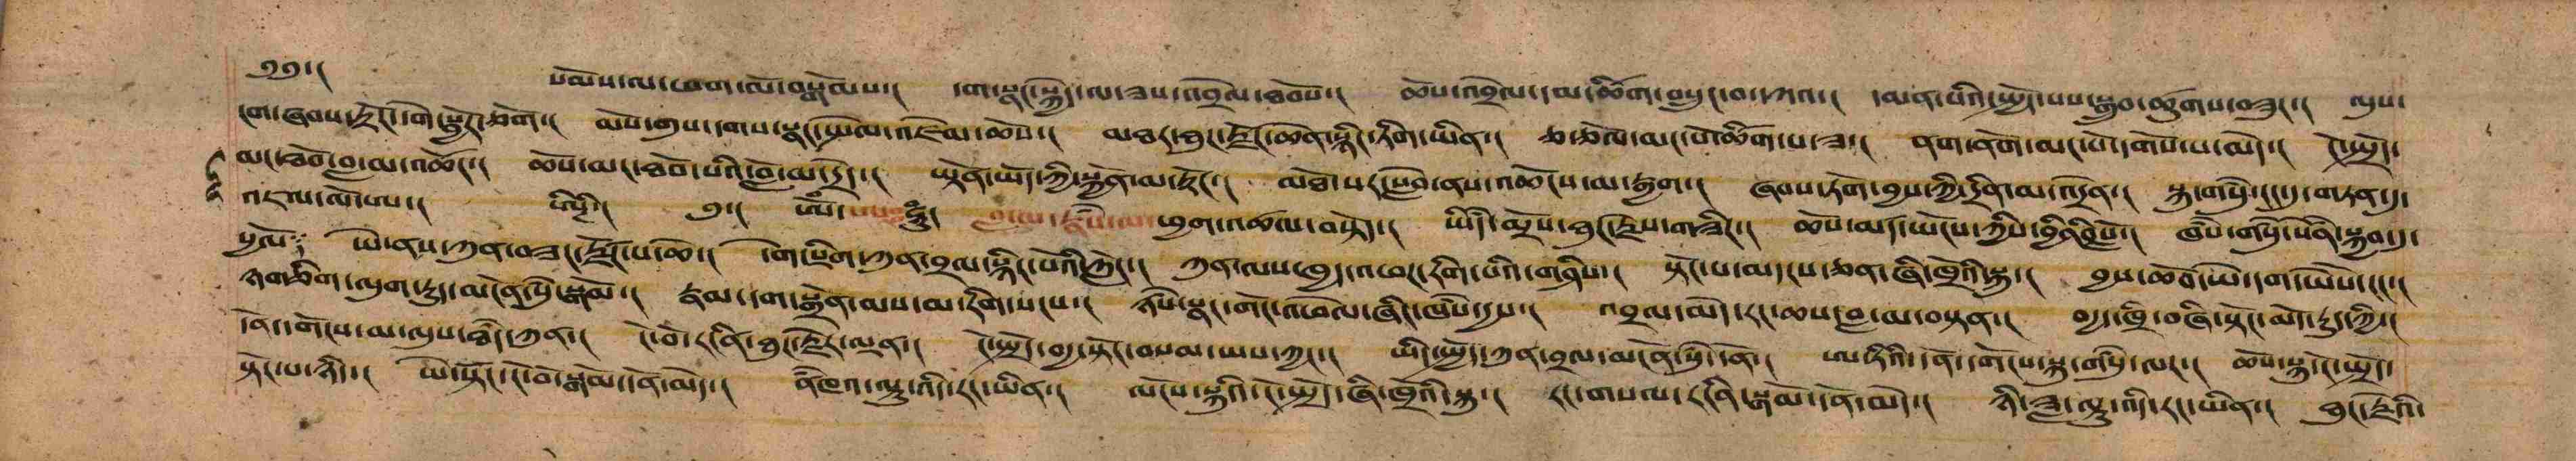༄༅་། སེམས་ལ་ཕག་མོ་བསྒོམས། དག་སྣང་སྐྱེད་ལ་ཟས་འབྲེལ་ཐོབས། ཆོས་འབྲེལ་དམ་ཚིག་བསྲུང་བ་དཀའ། དམན་པའི་སྤྱོད་པས་སྒྲུབ་ཚུགས་བཟུང་། ལུས་
ངག་ཞབས་ཏྲོང་དགེ་སྦྱོར་ཅོག། མོས་གུས་དགས་སྣང་སྤེལ་འཛེམ་ཆོས། མཐར་ཐུགས་རྫོགས་ཆེན་སྙིང་ཏིག་ཡིན། ཅ་ཅོལ་མང་པོ་ཚིག་པ་ཟ། ནག་ནོག་མང་པོ་དགོས་པ་མེད། ངོ་སྤྲོད་
མང་ཐོབ་བླ་མ་འཚོང་། ཆོས་མང་ཐོབ་པའི་བློ་མ་དྲེད། ཡོན་ཏན་ཡོད་ཀྱི་སྐྱོན་མ་རྟོགས། མཐོ་སར་སླེབ་ནས་འཆོངས་མ་རྒྱག། ཞབས་ཏོག་བྱས་ཀྱི་དྲིན་མ་འདྲེན། སྐུ་གསུམ་ངང་དུ་གཏན་དུ་
འཇལ་ལོ་ཨ། ཨིཊི། ༄་། ཨོཾ་ཨཿཧཱུཾ། བླ་མ་རྣམས་ལ་ཕྱག་འཚལ་བསྟོད། ཡིད་དམ་མཁའ་འགྲོས་ཐུགས་རྗེས་གཟིགས། ཆོས་མཛད་ཡོངས་ཀྱིས་བྱིན་གྱིས་བརློབས། ཁམས་གསུམ་སེམས་ཅན་སྐྱབ་དུ་
གསོལ༑ ཡེ་ནས་ཀུན་བཟང་རྫོགས་པ་ཆེ། དགེ་སྡིག་ཀུན་བྲལ་སྙིང་པོའི་ཀློང་། ཀུན་ལས་ཁྱད་འཕགས་རིག་པའི་གཤིས། སྟོང་པ་མདངས་ཅན་ཞི་ཁྲོའི་སྐུ། བྱས་ཆོབ་ཡེ་དག་ཡེ་ཤེས་ངང་། 
ཉག་གཅིག་ལུག་དྱུད་མངོན་གསུམ་སྒོམ། རྣམ་དག་སྒྲོན་མས་མ་རིག་སངས། ཉམས་སྣང་གོང་འཕེལ་ཞིང་ཁམས་རྒྱས། འབྲལ་མེད་རང་ཆས་བླ་མ་བསྟན། བརྒྱད་ཁྲི་བཞི་སྟོང་མདོ་དྱུད་ཀྱི། 
དོན་དགོངས་མ་ལུས་ཐམས་ཅད་ཀུན། ངོ་བོ་རང་བཞིན་ཐུགས་རྗེར་ལྡན། ངོ་སྤྲོད་བརྒྱ་སྟོང་བསམ་ཡས་ཀྱང་། ཡིད་སྤྱོད་ཀུན་བྲལ་མངོན་སུམ་དོན། ཨ་ཏིའི་དོན་དགོངས་སྐུ་གསུམ་ལགས། ཆོས་སྐུ་ངོ་སྤྲོད་
སྟོང་པ་ཉིད། ཡེ་སྟོང་ངོ་བོ་སྒོམ་དོན་མེད། ཉམ་མཁའ་ལྟ་བུ་འདི་རང་ཡིན། ལོངས་སྐུའི་ངོ་སྤྲོད་ཞི་ཁྲོའི་སྐུ། རང་གསལ་རང་བཞཱིན་སྒོམ་དོན་མེད། ཉི་ཟླ་ལྟ་བུ་འདི་རང་ཡིན། ཐུགས་རྗེའི་